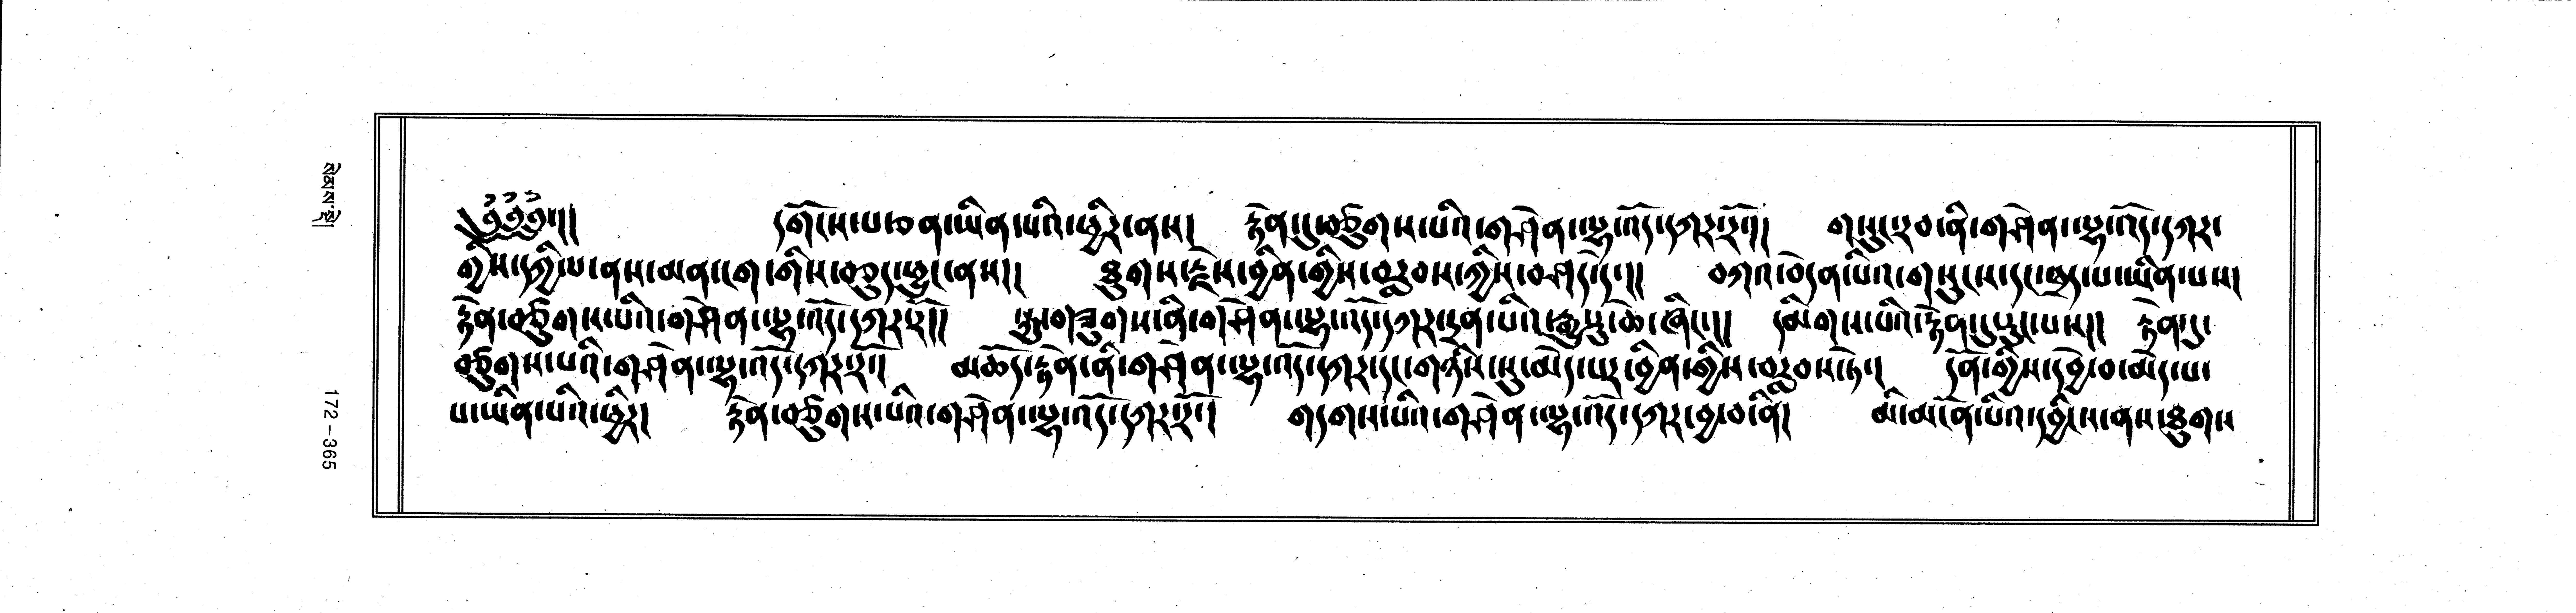དགོངས་པ་ཅན་ཡིན་པའི་ཕྱིར་ནས། རྟེན་དུ་བཙུགས་པའི་གཤེན་ལྷ་འོད་དཀར་རོ། གསུང་རབ་ནི་གཤེན་ལྷ་འོད་དཀར་
གྱིས་དཀྱིལ་ནས་མན་ངག་གིས་བཅུད་ཕྱུང་ནས། ཐུགས་རྗེས་བྱིན་གྱིས་བརླབས་ཀྱིས་བཤད་དེ། བཀའ་བདེན་པའི་གསུངས་དང་ཕྲད་པ་ཡིན་པས། 
རྟེན་བཙུགས་པའི་གཤེན་ལྷ་འོད་དཀར་རོ། སྐུ་གཟུགས་ནི་གཤེན་ལྷ་འོད་དཀར་དྲན་པའི་རྒྱུ་རུ་ཆེ་ཞིང་། དམིགས་པའི་རྟེན་དུ་རུང་པས། རྟེན་དུ་
བཙུགས་པའི་གཤེན་ལྷ་འོད་དཀར་རོ། མཆོད་རྟེན་ནི་གཤེན་ལྷ་འོད་དཀར་དང་གཉིས་སུ་མེད་པར་བྱིན་གྱིས་བརླབས་ཏེ། དོན་གྱིས་དབྱེ་བ་མེད་
པ་ཡིན་པའི་ཕྱིར། རྟེན་བཙུགས་པའི་གཤེན་ལྷ་འོད་དཀར་རོ། གདགས་པའི་གཤེན་ལྷ་འོད་དཀར་བྱ་བ་ནི། མི་མངོན་པའི་དབྱིངས་ནས་ཐུགས་